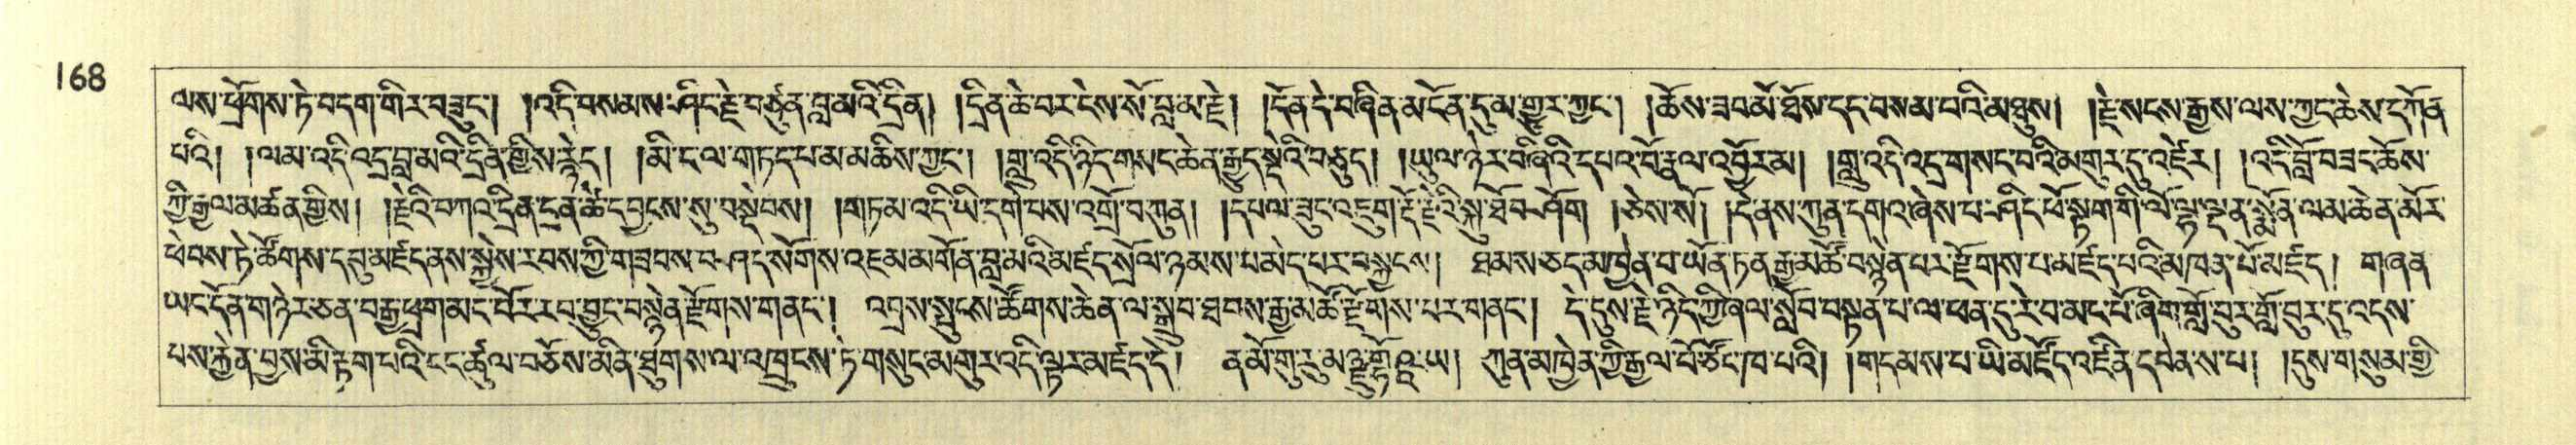ལས་ཕྲོགས་ཏེ་བདག་གིར་བཟུང་། །འདི་བསམས་ཤིང་རྗེ་བཙུན་བླ་མའི་དྲིན། །དྲིན་ཆེ་བར་ངེས་སོ་བླ་མ་རྗེ། །དོན་དེ་བཞིན་མངོན་དུ་མ་གྱུར་ཀྱང་། །ཆོས་ཟབ་མོ་ཐོས་དང་བསམ་པའི་མཐུས། །རྗེ་སངས་རྒྱས་ལས་ཀྱང་ཆེས་དཀོན་
པའི། །ལམ་འདི་འདྲ་བླ་མའི་དྲིན་གྱིས་རྙེད། །མི་ང་ལ་གཏད་པ་མ་མཆིས་ཀྱང་། །གླུ་འདི་ཉིད་གསང་ཆེན་རྒྱུད་སྡེའི་བཅུད། །ཡུལ་ཉེར་བཞིའི་དཔལ་བོ་རྣལ་འབྱོར་མ། །གླུ་འདི་འདྲ་གསང་བའི་མགུར་དུ་འཛེར། །འདི་བློ་བཟང་ཆོས་
ཀྱི་རྒྱལ་མཚན་གྱིས། །རྗེའི་བཀའ་དྲིན་དྲན་ཚེ་དབྱངས་སུ་བསྡེབས། །གཏམ་འདི་ཡི་དགེ་པས་འགྲོ་བ་ཀུན། །དཔལ་ཟུང་འཇུག་རྡོ་རྗེའི་སྐུ་ཐོབ་ཤོག །ཅེས་སོ། །དེ་ནས་ཀུན་དགའ་ཞེས་པ་ཤིང་ཕོ་སྟག་གི་ལོ་ལྷ་ལྡན་སྨོན་ལམ་ཆེན་མོར་
ཕེབས་ཏེ་ཚོགས་དབུ་མཛད་ནས་སྐྱེས་རབས་ཀྱི་གཟབས་བཤད་སོགས་འཇམ་མགོན་བླ་མའི་མཛད་སྲོལ་ཉམས་པ་མེད་པར་བསྐྱངས། ཐམས་ཅད་མཁྱེན་པ་ཡོན་ཏན་རྒྱ་མཚོ་བསྙེན་པར་རྫོགས་པ་མཛད་པའི་མཁན་པོ་མཛད། གཞན་
ཡང་དོན་གཉེར་ཅན་བརྒྱ་ཕྲག་མང་བོར་རབ་བྱུང་བསྙེན་རྫོགས་གནང་། འབྲས་སྤུངས་ཚོགས་ཆེན་ལ་སྒྲུབ་ཐབས་རྒྱ་མཚོ་རྫོགས་པར་གནང་། དེ་དུས་རྗེ་ཉིད་ཀྱི་ཞལ་སློབ་བསྟན་པ་ལ་ཕན་དུ་རེ་བ་མང་པོ་ཞིག་གློ་བུར་གློ་བུར་དུ་འདས་
པས་རྐྱེན་བྱས་མི་རྟག་པའི་ངང་ཚུལ་བཅོས་མིན་ཐུགས་ལ་འཁྲུངས་ཏེ་གསུང་མགུར་འདི་ལྟར་མཛད་དེ། ན་མོ་གུ་རུ་མཉྫུ་གྷོཥཱ་ཡ། ཀུན་མཁྱེན་གྱི་རྒྱལ་པོ་ཙོང་ཁ་པའི། །གདམས་པ་ཡི་མཛོད་འཛིན་དབེན་ས་པ། །དུས་གསུམ་གྱི་